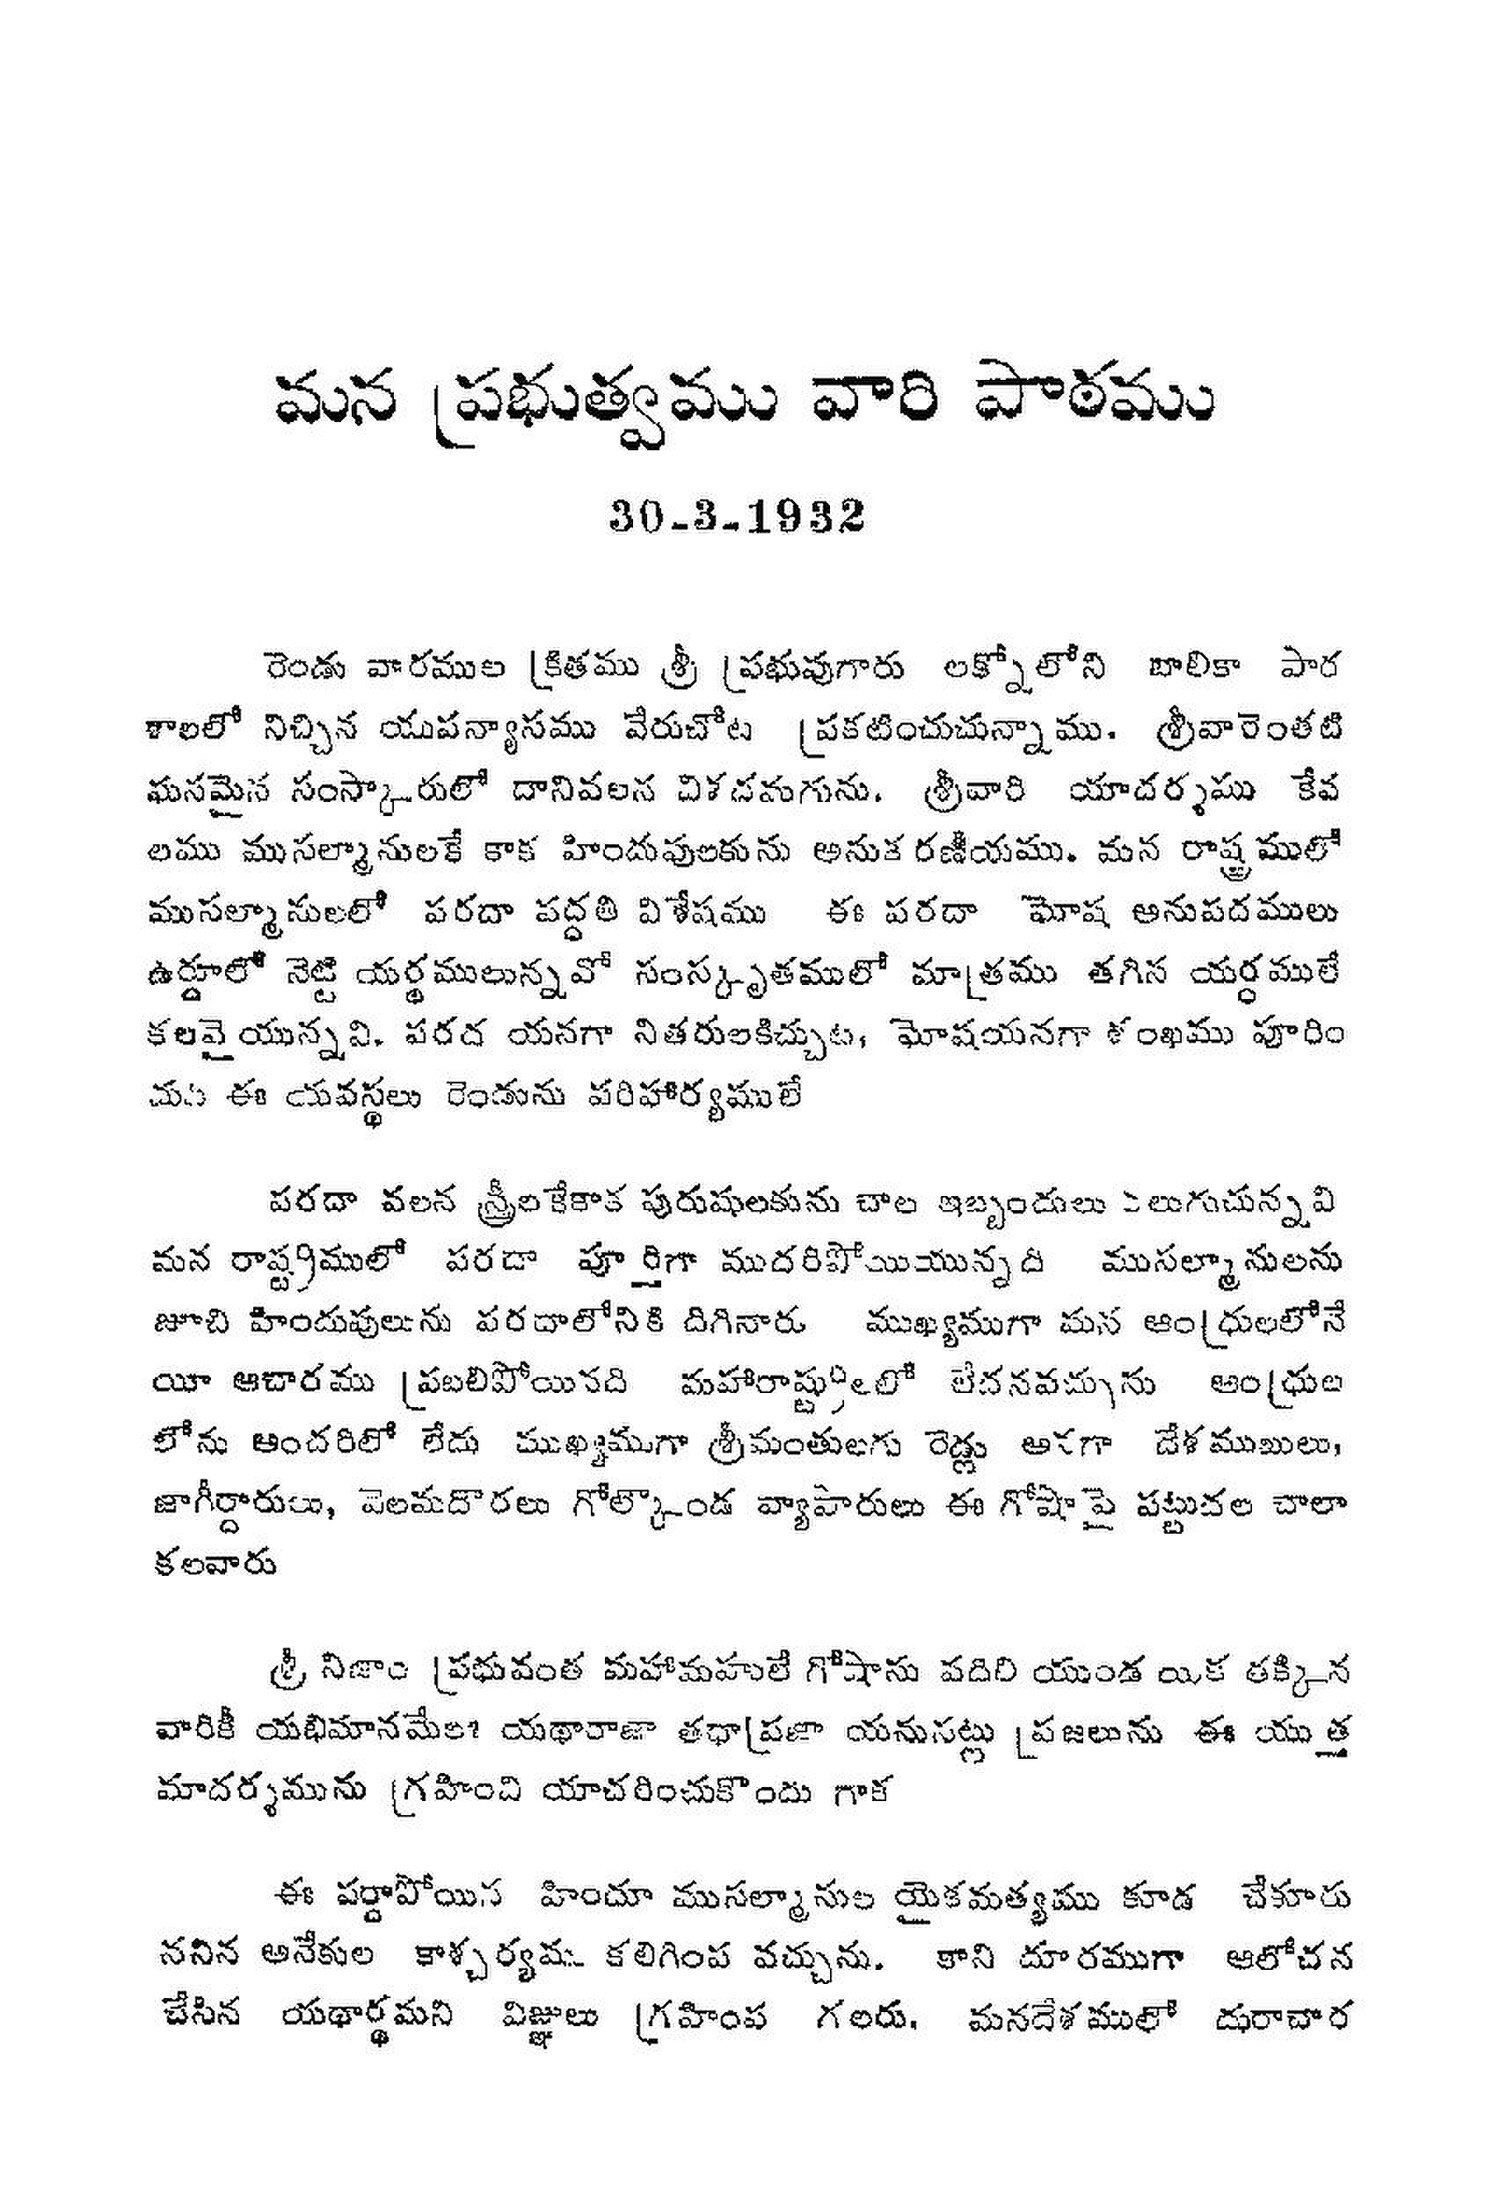మన ప్రభుత్వము వారి పాఠము

30 - 3 - 1932

రెండు వారముల క్రితము శ్రీ ప్రభువుగారు లక్నోలోని బాలికా పాఠశాలలో నిచ్చిన యుపన్యాసము వేరుచోట ప్రకటించుచున్నాము. శ్రీవారెంతటి ఘనమైన సంస్కారులో దానివలన విశదమగును. శ్రీవారి యాదర్శము కేవలము ముసల్మానులకే కాక హిందువులకును అనుకరణీయము. మన రాష్ట్రములో ముసల్మానులలో పరదా పద్దతి విశేషము ఈ పరదా ఘోష అనుపదములు ఉర్దూలో నెట్టి యర్థములున్నవో సంస్కృతములో మాత్రము తగిన యర్ధములే కలవైయున్నవి. పరద యనగా నితరులకిచ్చుట, ఘోషయనగా శంఖము పూరించుట ఈ యవస్థలు రెండును పరిహార్యములే

పరదా వలన స్త్రీలకేకాక పురుషులకును చాల ఇబ్బందులు కలుగుచున్నవి మన రాష్ట్రములో పరదా పూర్తిగా ముదరిపోయియున్నది ముసల్మానులను జూచి హిందువులును పరదాలోనికి దిగినారు ముఖ్యముగా మన ఆంధ్రులలోనే యీ ఆచారము ప్రబలిపోయినది మహారాష్ట్రులలో లేదనవచ్చును అంధ్రులలోను అందరిలో లేదు ముఖ్యముగా శ్రీమంతులగు రెడ్లు అనగా దేశముఖులు, జాగీర్దారులు, వెలమదొరలు గోల్కొండ వ్యాపారులు ఈ గోషాపై పట్టుదల చాలా కలవారు

శ్రీ నిజాం ప్రభువంత మహామహులే గోషాను వదిలి యుండ యిక తక్కిన వారికీ యభిమానమేల? యథారాజా తధాప్రజా యనునట్లు ప్రజలును ఈ యుత్తమాదర్శమును గ్రహించి యాచరించుకొందు గాక

ఈ పర్దాపోయిన హిందూ ముసల్మానుల యైకమత్యము కూడ చేకూరు ననిన అనేకుల కాశ్చర్యము కలిగింప వచ్చును. కాని దూరముగా ఆలోచన చేసిన యథార్థమని విజ్ఞులు గ్రహింప గలరు. మనదేశములో దురాచార